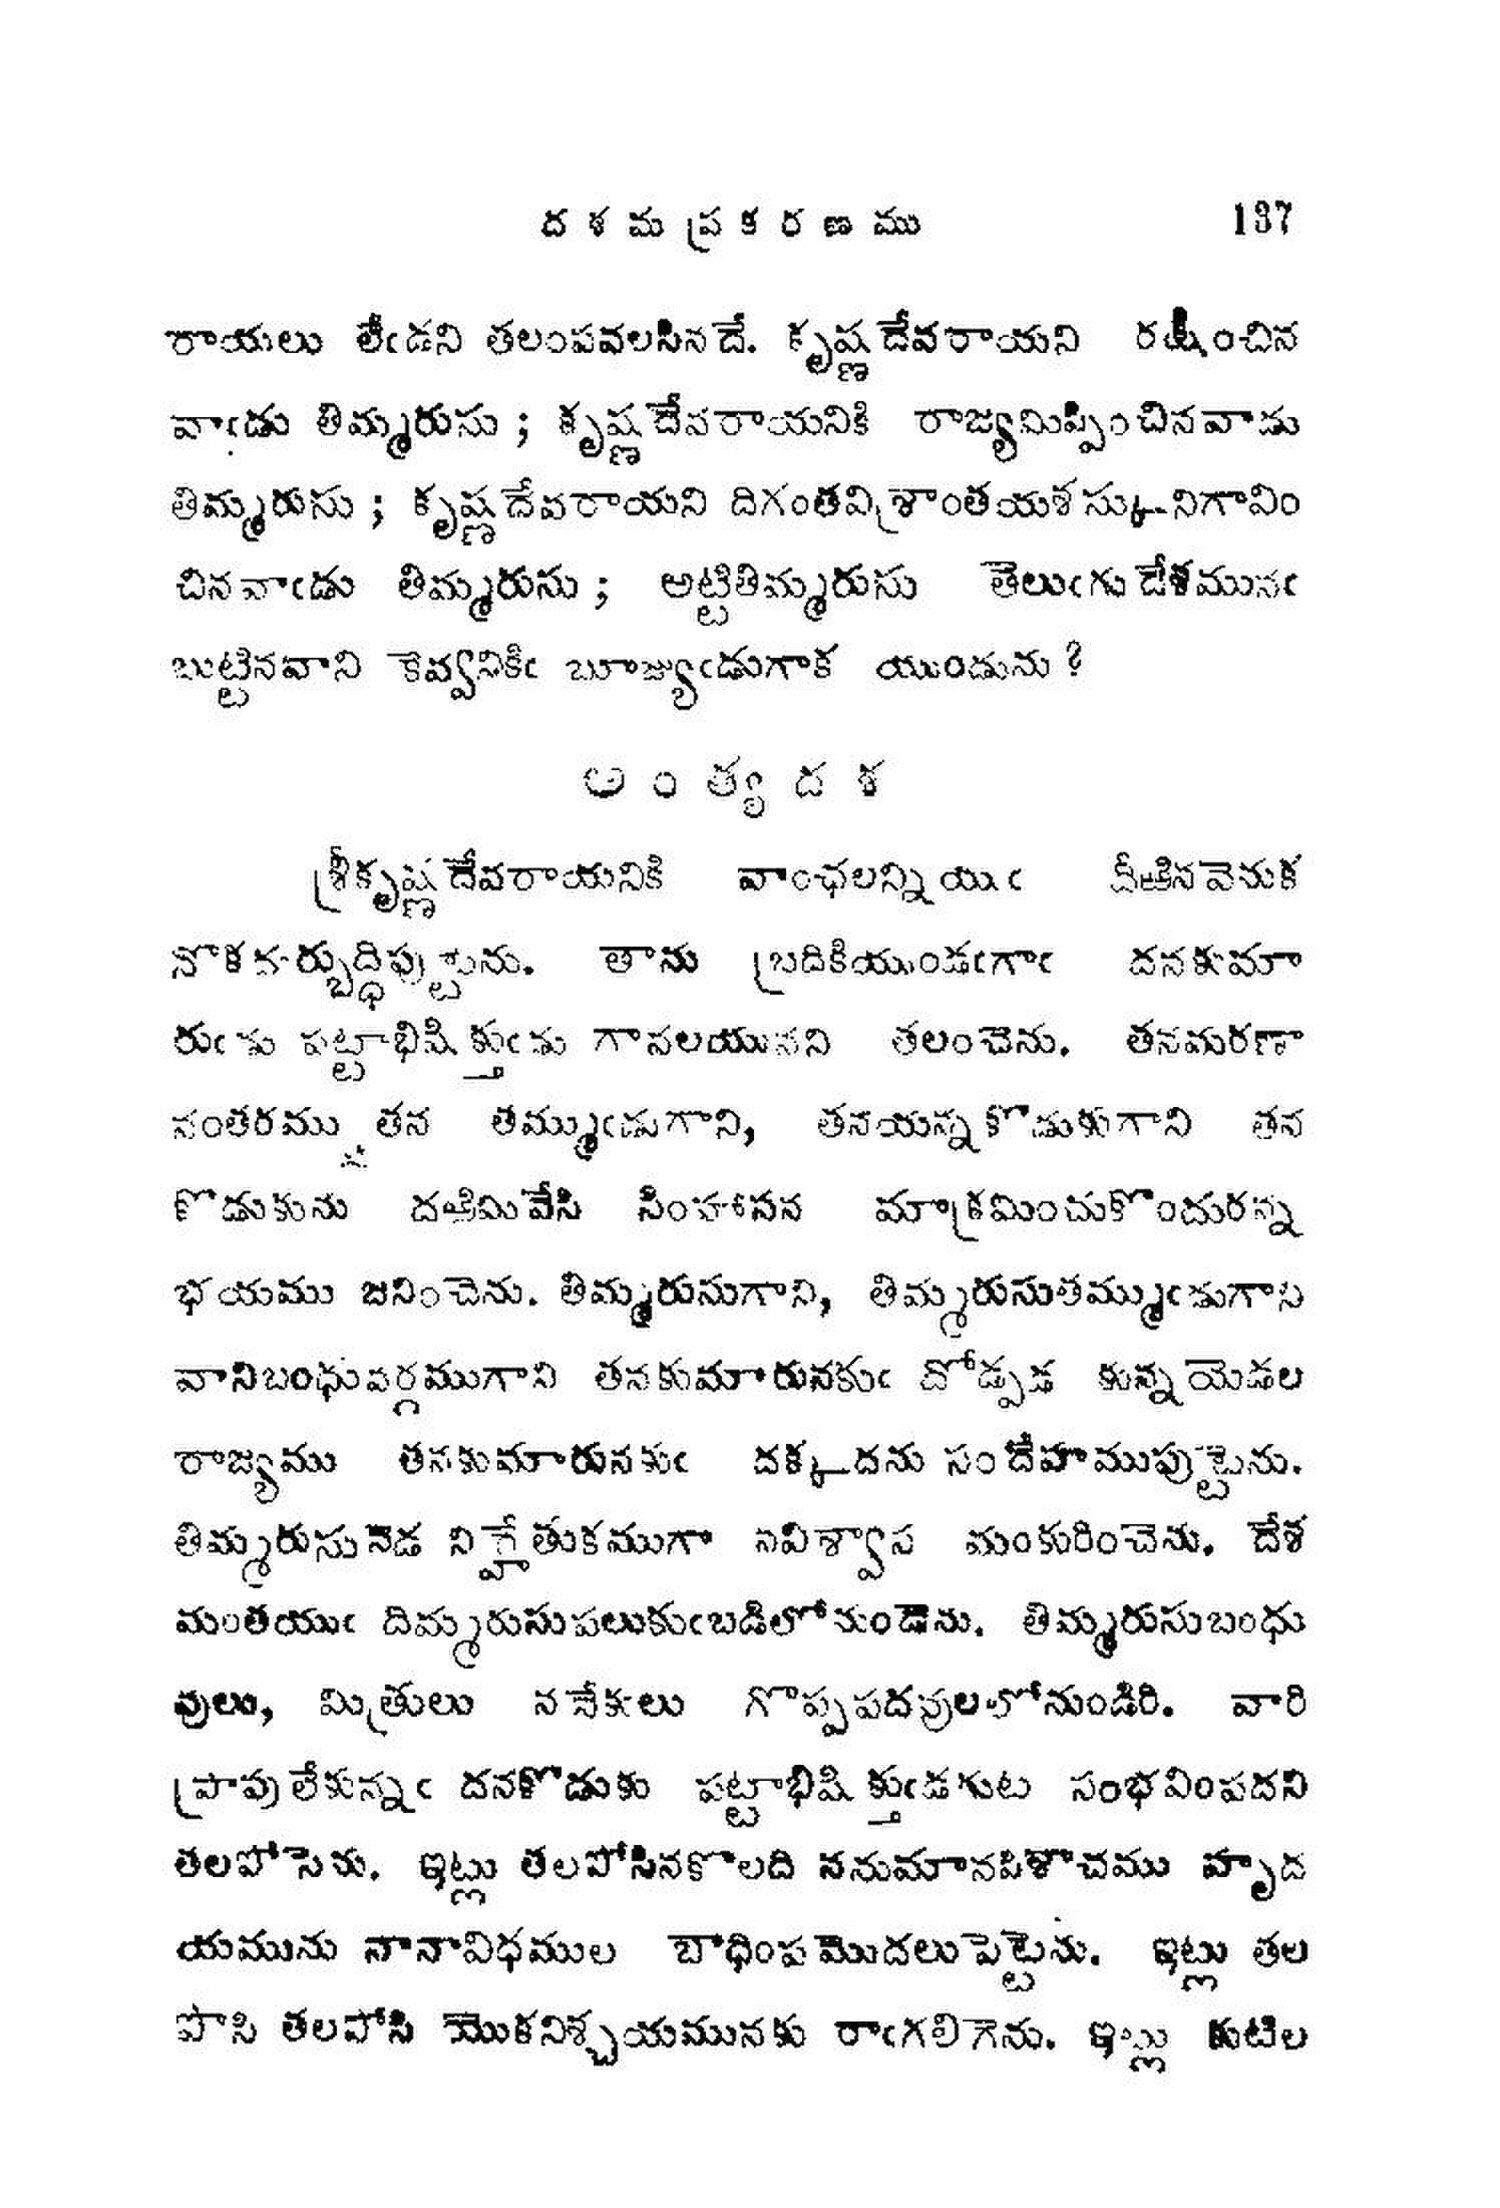రాయలు లేఁడని తలంపవలసినదే. కృష్ణదేవరాయని రక్షించినవాఁడు తిమ్మరుసు ; కృష్ణదేవరాయనికి రాజ్యమిప్పించినవాడు తిమ్మరుసు ; కృష్ణదేవరాయని దిగంతవిశ్రాంతయశస్కుని గావించినవాఁడు తిమ్మరుసు ; అట్టితిమ్మరుసు తెలుఁగుదేశమునఁ బుట్టినవాని కెవ్వనికిఁ బూజ్యుఁడుగాక యుండును ?

అంత్యదశ 

శ్రీకృష్ణదేవరాయనికి వాంఛలన్నియుఁ దీఱినవెనుక నొకదుర్బుద్ధిపుట్టెను. తాను బ్రదికియుండఁగాఁ దనకుమారుఁడు పట్టాభిషిక్తుఁడు గావలయునని తలంచెను. తనమరణానంతరము తన తమ్ముఁడుగాని, తనయన్నకొడుకుగాని తన కొడుకును దఱిమివేసి సింహాసన మాక్రమించుకొందురన్న భయము జనించెను. తిమ్మరుసుగాని, తిమ్మరుసుతమ్ముఁడుగాని వానిబంధువర్గముగాని తనకుమారునకుఁ దోడ్పడ కున్నయెడల రాజ్యము తనకుమారునకుఁ దక్కదను సందేహముపుట్టెను. తిమ్మరుసునెడ నిర్హేతుకముగా నవిశ్వాస మంకురించెను. దేశమంతయుఁ దిమ్మరుసుపలుకుఁబడిలోనుండెను. తిమ్మరుసుబంధువులు, మిత్రులు ననేకలు గొప్పపదవులలోనుండిరి. వారి ప్రాపులేకున్నఁ దనకొడుకు పట్టాభిషిక్తుఁడగుట సంభవింపదని తలపోసెను. ఇట్లు తలపోసినకొలది ననుమానపిశాచము హృదయమును నానావిధముల బాధింపమొదలుపెట్టెను. ఇట్లు తలపొసి తలపోసి యొకనిశ్చయమునకు రాఁగలిగెను. ఇట్లు కుటిల